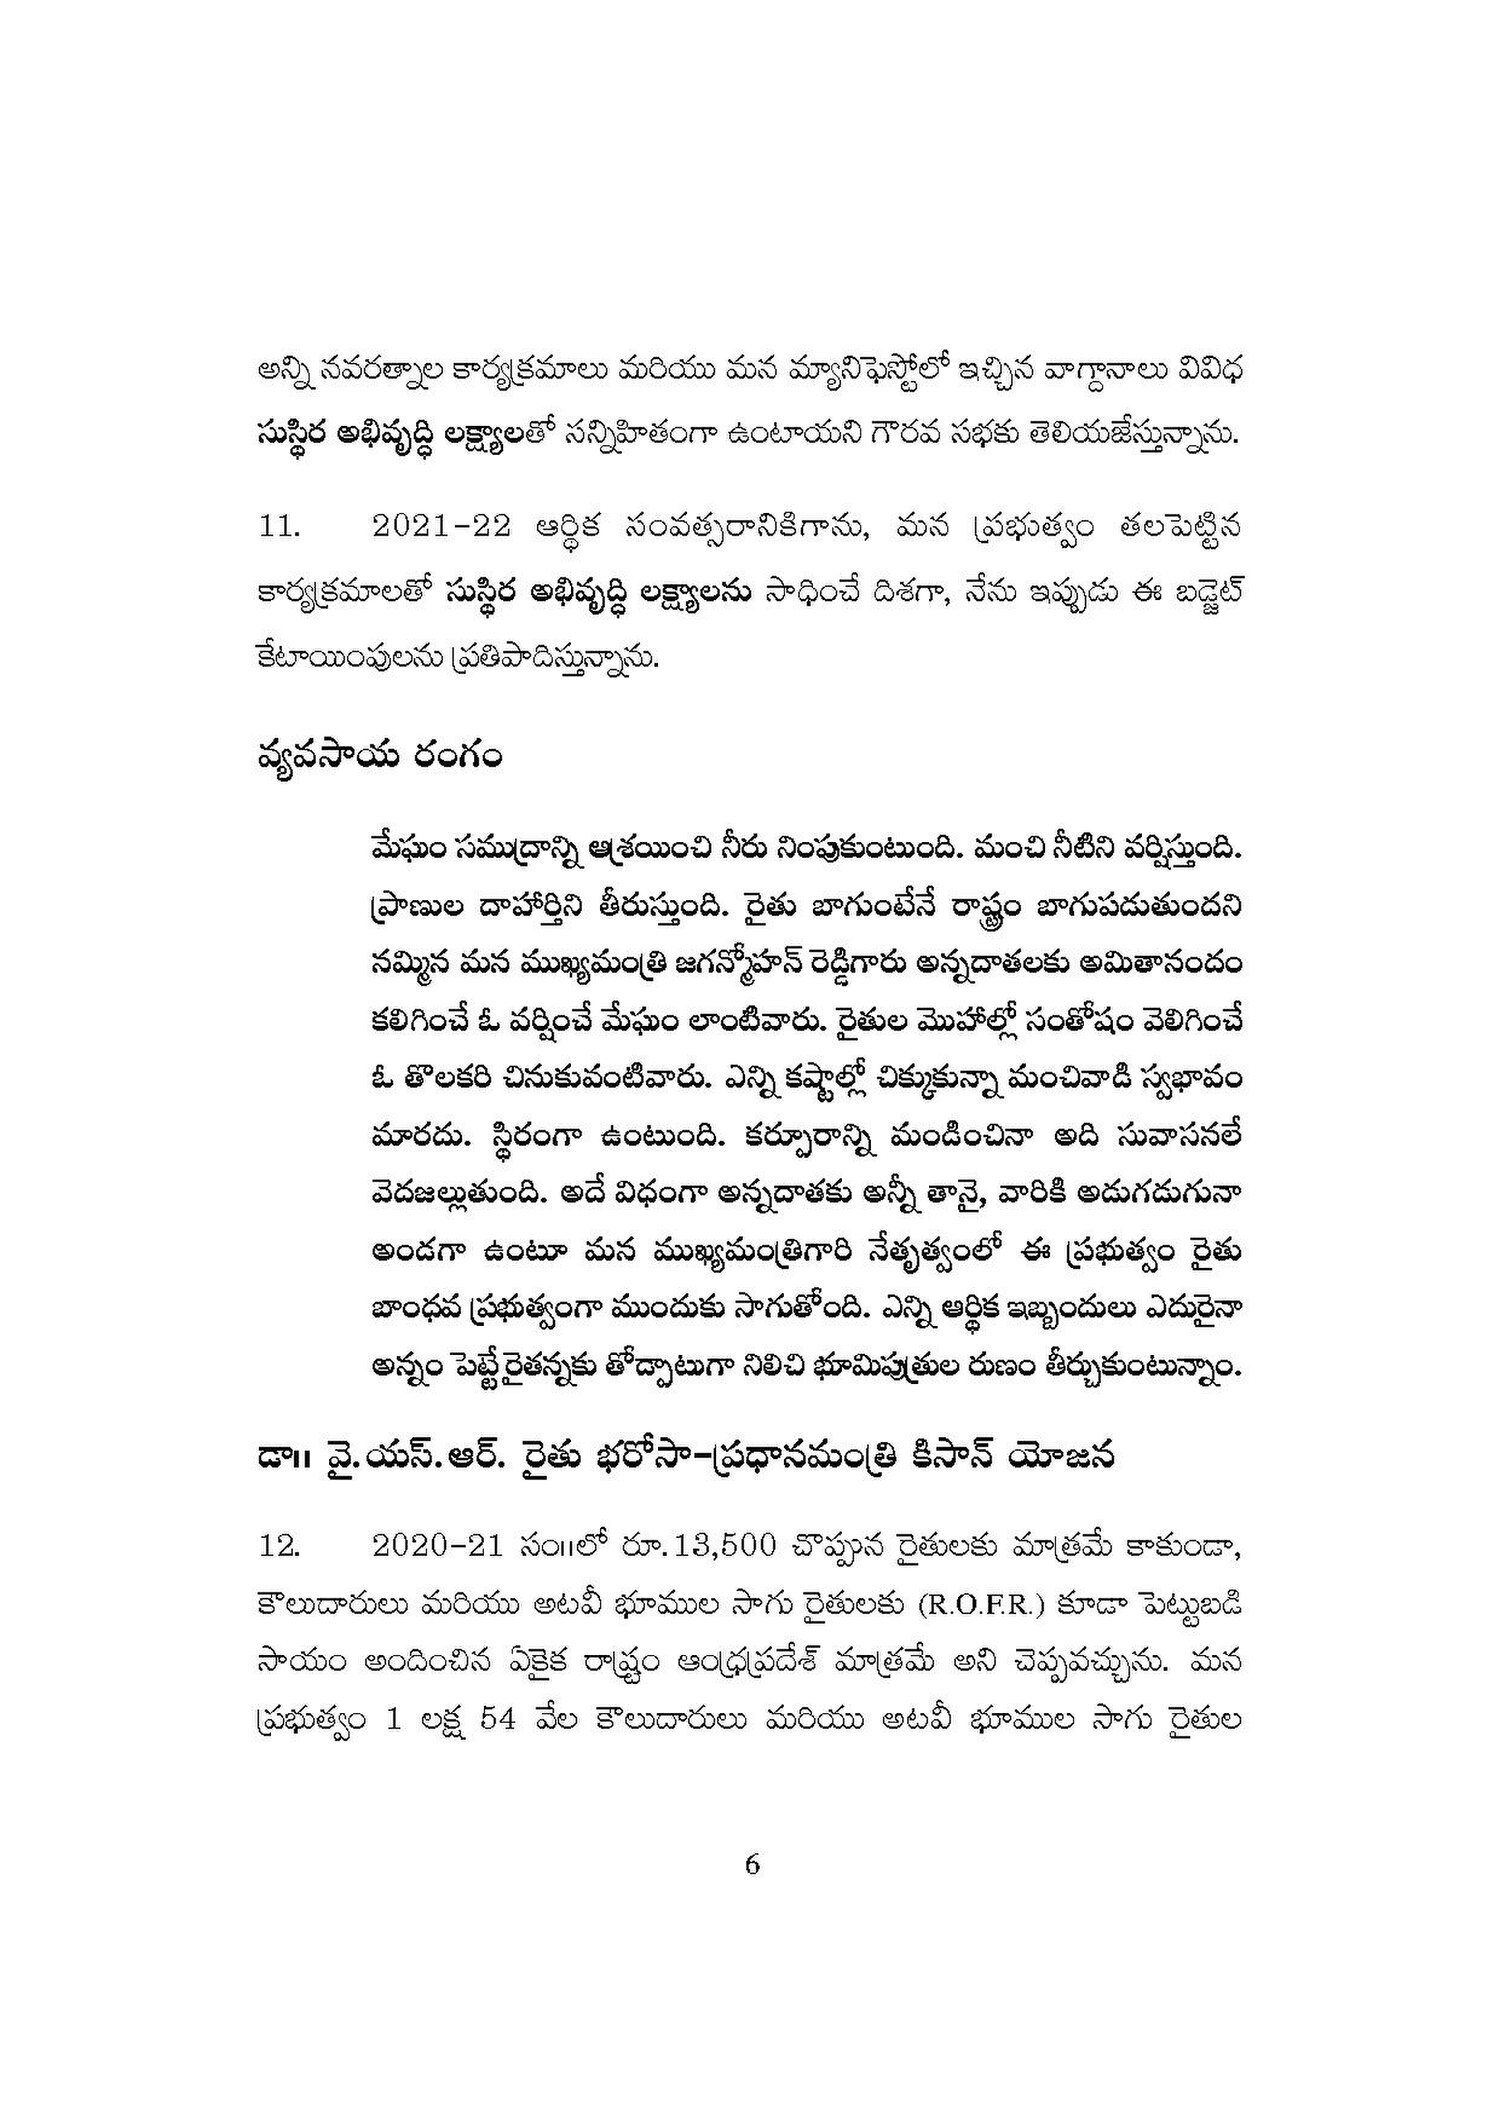అన్ని నవరత్నాల కార్యక్రమాలు మరియు మన మ్యానిఫెస్టోలో ఇచ్చిన వాగ్దానాలు వివిధ
సుస్థిర అభివృద్ధి లక్ష్యాలతో సన్నిహితంగా ఉంటాయని గౌరవ సభకు తెలియజేస్తున్నాను.

11. 2021-22 ఆర్థిక సంవత్సరానికిగాను, మన ప్రభుత్వం తలపెట్టిన
కార్యక్రమాలతో సుస్థిర అభివృద్ధి లక్ష్యాలను సాధించే దిశగా, నేను ఇప్పుడు ఈ బడ్జెట్
కేటాయింపులను ప్రతిపాదిస్తున్నాను.

వ్యవసాయ రంగం
మేఘం సముద్రాన్ని ఆశ్రయించి నీరు నింపుకుంటుంది. మంచి నీటిని వర్షిస్తుంది.
ప్రాణుల దాహార్తిని తీరుస్తుంది. రైతు బాగుంటేనే రాష్ట్రం బాగుపడుతుందని
నమ్మిన మన ముఖ్యమంత్రి జగన్మోహన్ రెడ్డిగారు అన్నదాతలకు అమితానందం
కలిగించే ఓ వర్షించే మేఘం లాంటివారు. రైతుల మొహాల్లో సంతోషం వెలిగించే
ఓ తొలకరి చినుకువంటివారు. ఎన్ని కష్టాల్లో చిక్కుకున్నా మంచివాడి స్వభావం
మారదు. స్థిరంగా ఉంటుంది. కర్పూరాన్ని మండించినా అది సువాసనలే
వెదజల్లుతుంది. అదే విధంగా అన్నదాతకు అన్నీ తానై, వారికి అడుగడుగునా
అండగా ఉంటూ మన ముఖ్యమంత్రిగారి నేతృత్వంలో ఈ ప్రభుత్వం రైతు
బాంధవ ప్రభుత్వంగా ముందుకు సాగుతోంది. ఎన్ని ఆర్థిక ఇబ్బందులు ఎదురైనా
అన్నం పెట్టే రైతన్నకు తోడ్పాటుగా నిలిచి భూమిపుత్రుల రుణం తీర్చుకుంటున్నాం. 

డా॥ వై.యస్.ఆర్. రైతు భరోసా-ప్రధానమంత్రి కిసాన్ యోజన

12. 2020-21 సం॥లో రూ. 13,500 చొప్పున రైతులకు మాత్రమే కాకుండా,
కౌలుదారులు మరియు అటవీ భూముల సాగు రైతులకు (R.O.P.R.) కూడా పెట్టుబడి
సాయం అందించిన ఏకైక రాష్ట్రం ఆంధ్రప్రదేశ్ మాత్రమే అని చెప్పవచ్చును. మన
ప్రభుత్వం 1 లక్ష 54 వేల కౌలుదారులు మరియు అటవీ భూముల సాగు రైతుల